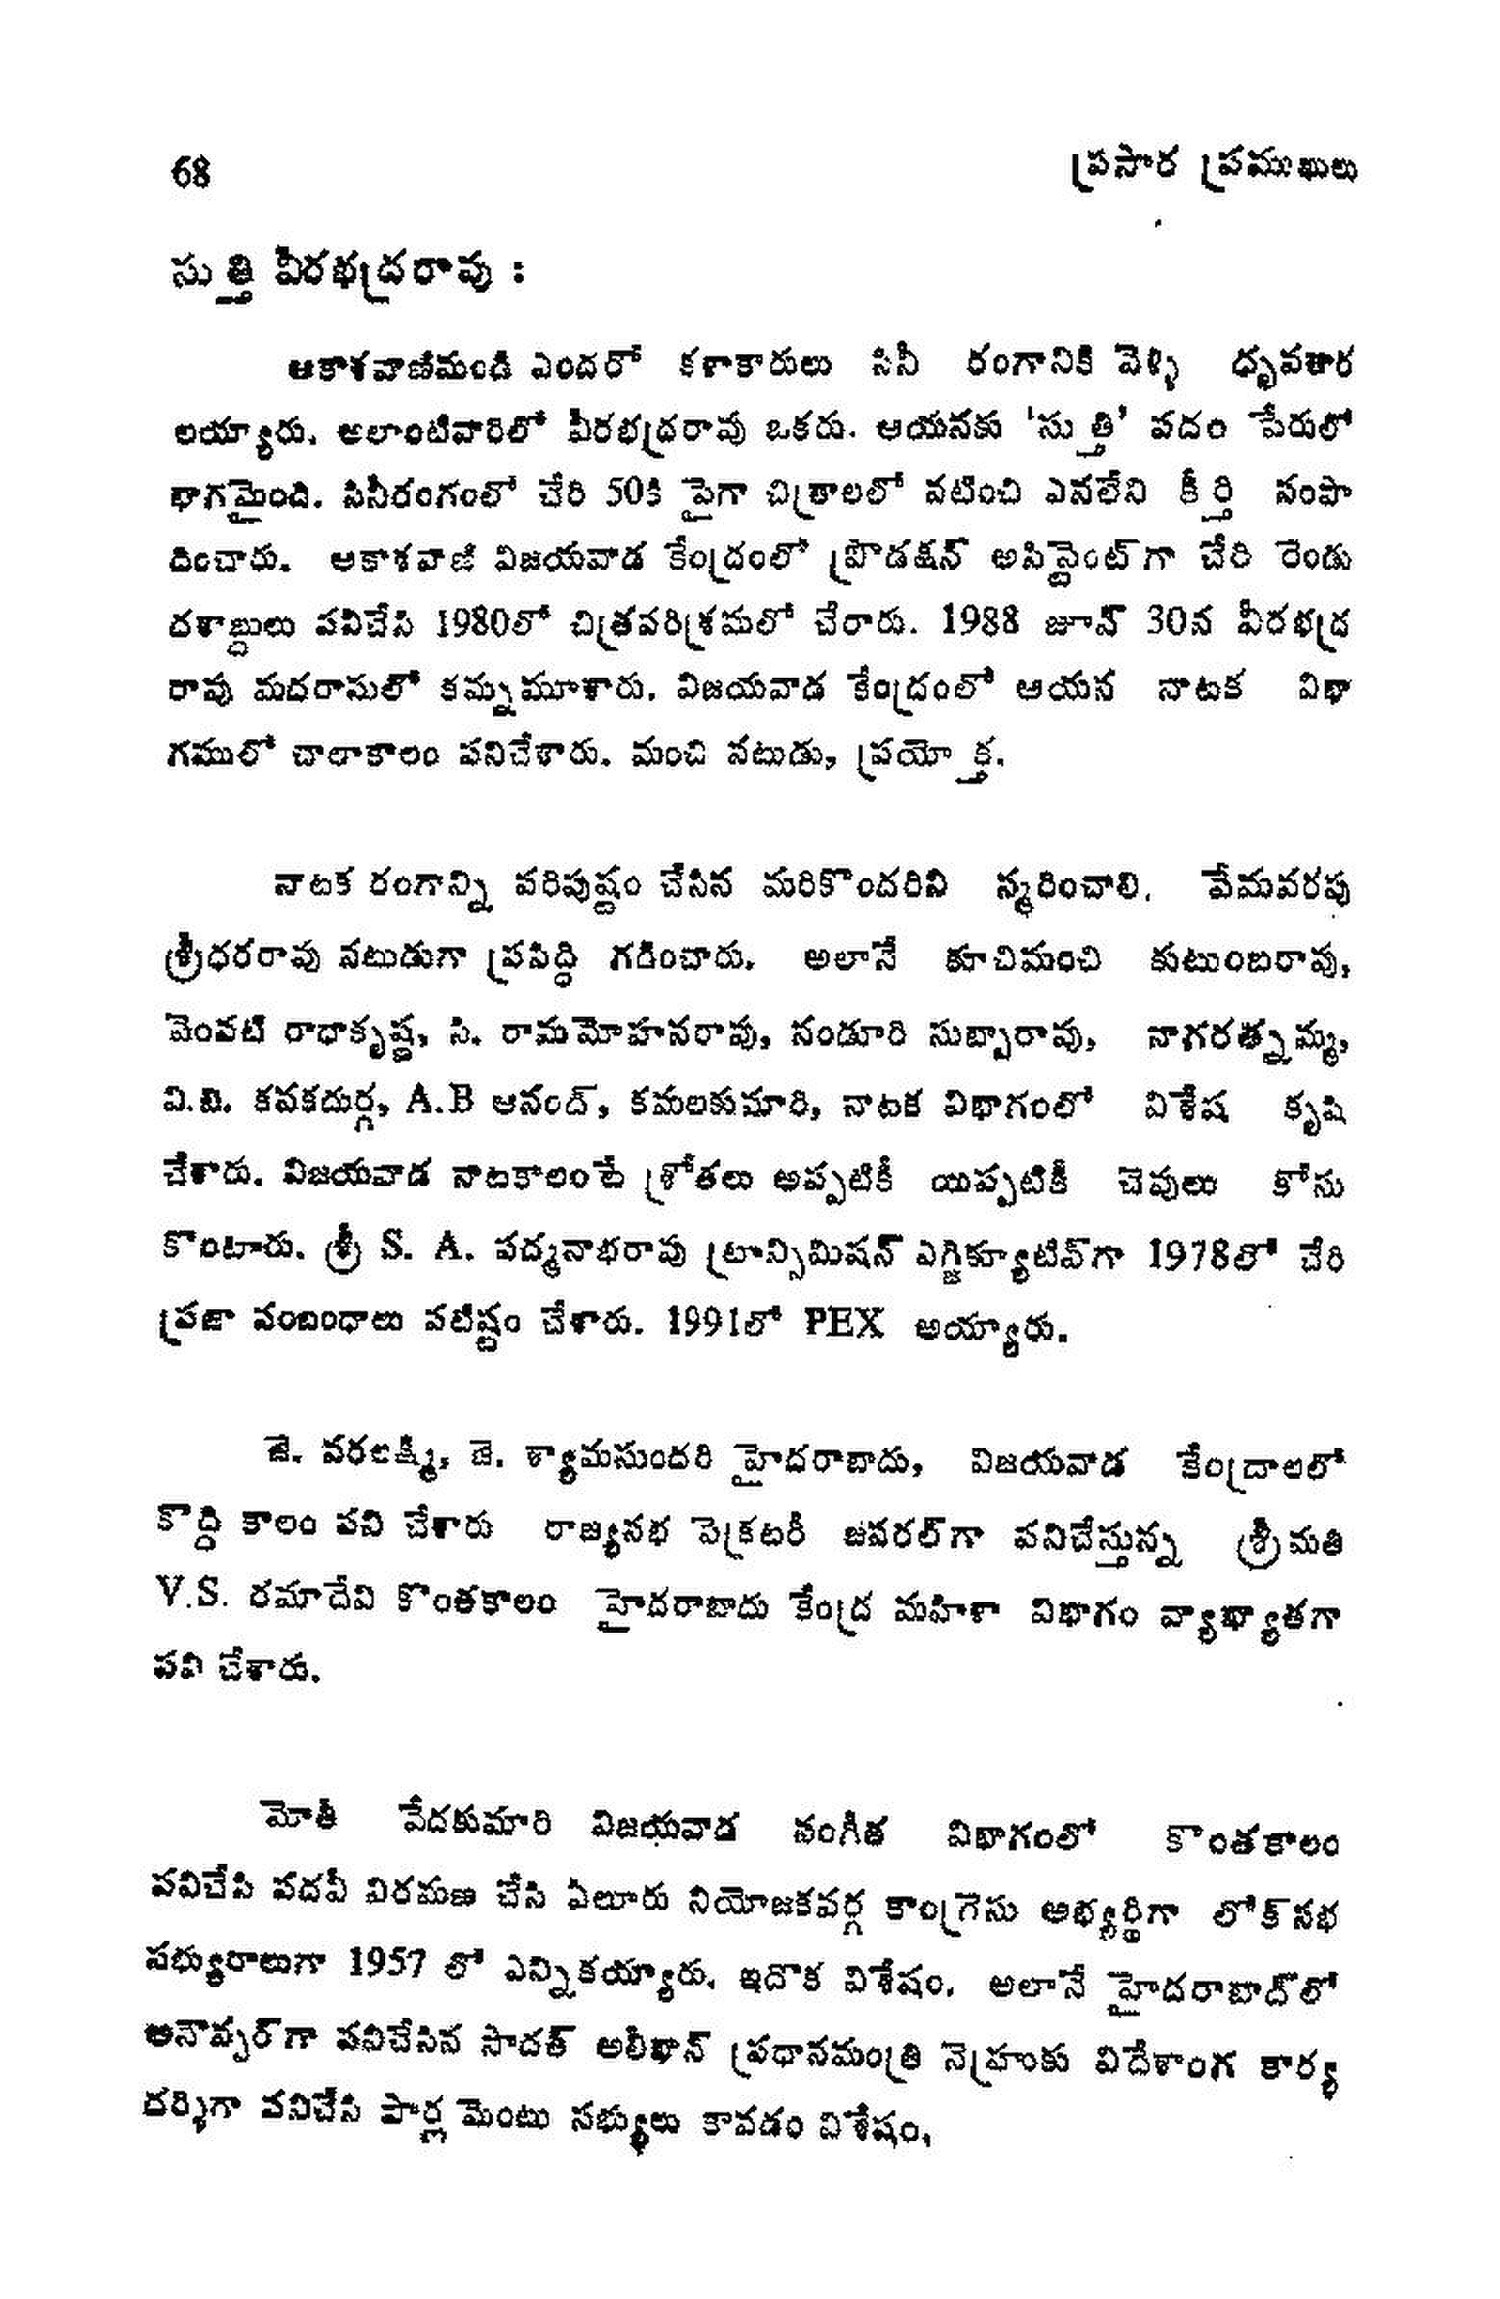ఆకాశవాణి నుండి ఎందరో కళాకారులు సినీ రంగానికి వెళ్ళి ధృవతారలయ్యారు. అలాంటివారిలో వీరభద్రరావు ఒకరు. ఆయకు ' సుత్తి ' పదం పేరులో భాగమైంది. సినీరంగంలో చేరి 50కి పైగా చిత్రాలలో నటించి ఎనలేని కీర్తి సంపాదించారు. ఆకాశవాణి విజయవాడ కేంద్రంలో ప్రొడక్షన్ అసిస్టెంట్ గా చేరి రెండు దశాబ్దాలు పనిచేసి 1980లో చిత్రపరిశ్రమలో చేరారు. 1988 జూన్ 30 న వీరభద్రరావు మదరాసులో కన్నుమూశారు. విజయవాడ కేంద్రంలో ఆయన నాటక విభాగములో చాలాకాలం పనిచేశారు. మంచి నటుడు, ప్రయోక్త.

నాటక రంగాన్ని పరిపుష్టం చేసిన మరికొందరిని స్మరించాలి. వేమవరపు శ్రీధరరావు నటుడుగా ప్రసిద్ధి గడించారు. అలానే కూచిమంచి కుటుంబరావు, వెంపటి రాధాకృష్ణ, సి. రామమోహనరావు, నండూరి సుబ్బారావు, నాగరత్నమ్మ, వి.బి. కనకదుర్గ, A.B. ఆనంద్, కమలకుమారి, నాటక విభాగంలో విశేష కృషి చేశారు. విజయవాడ నాటకాలంటే శ్రోతలు అప్పటికీ, యిప్పటికీ చెవులు కోసుకొంటారు. శ్రీ. S. A. పద్మనాభరావు ట్రాన్సిమిషన్ ఎగ్జిక్యూటివ్ గా 1978లో చేరి ప్రజా సంబంధాలు పటిష్టం చేశారు. 1991లో PEX అయ్యారు.

జె. వరలక్ష్మి, జె. శ్యామసుందరి హైదరాబాదు, విజయవాడ కేంద్రాలలో కొద్దికాలం పనిచేశారు. రాజ్యసభ సెక్రటరీ జనరల్ గా పనిచేస్తున్న V. S. రమాదేవి కొంతకాలం హైదరాబాదు కేంద్ర మహిళా విభాగం వ్యాఖ్యాతగా పనిచేశారు.

మోతీ వేదకుమారి విజయవాడ సంగీత విభాగంలో కొంతకాలం పనిచేసి పదవీ విరమణ చేసి ఏలూరు నియోజకవర్గ కాంగ్రెసు అభ్యర్ధిగా లోక్‌సభ సభ్యురాలుగా 1957లో ఎన్నికయ్యారు. ఇదొక విశేషం. ఇలానే హైదరాబాద్ లో అనౌన్సర్ గా పనిచేసిన సాదత్ అలీ ఖాన్ ప్రధానమంత్రి నెహ్రుకు విదేశాంగ కార్యదర్శిగా పనిచేసి పార్లమెంటు సభ్యులు కావడం విశేషం.